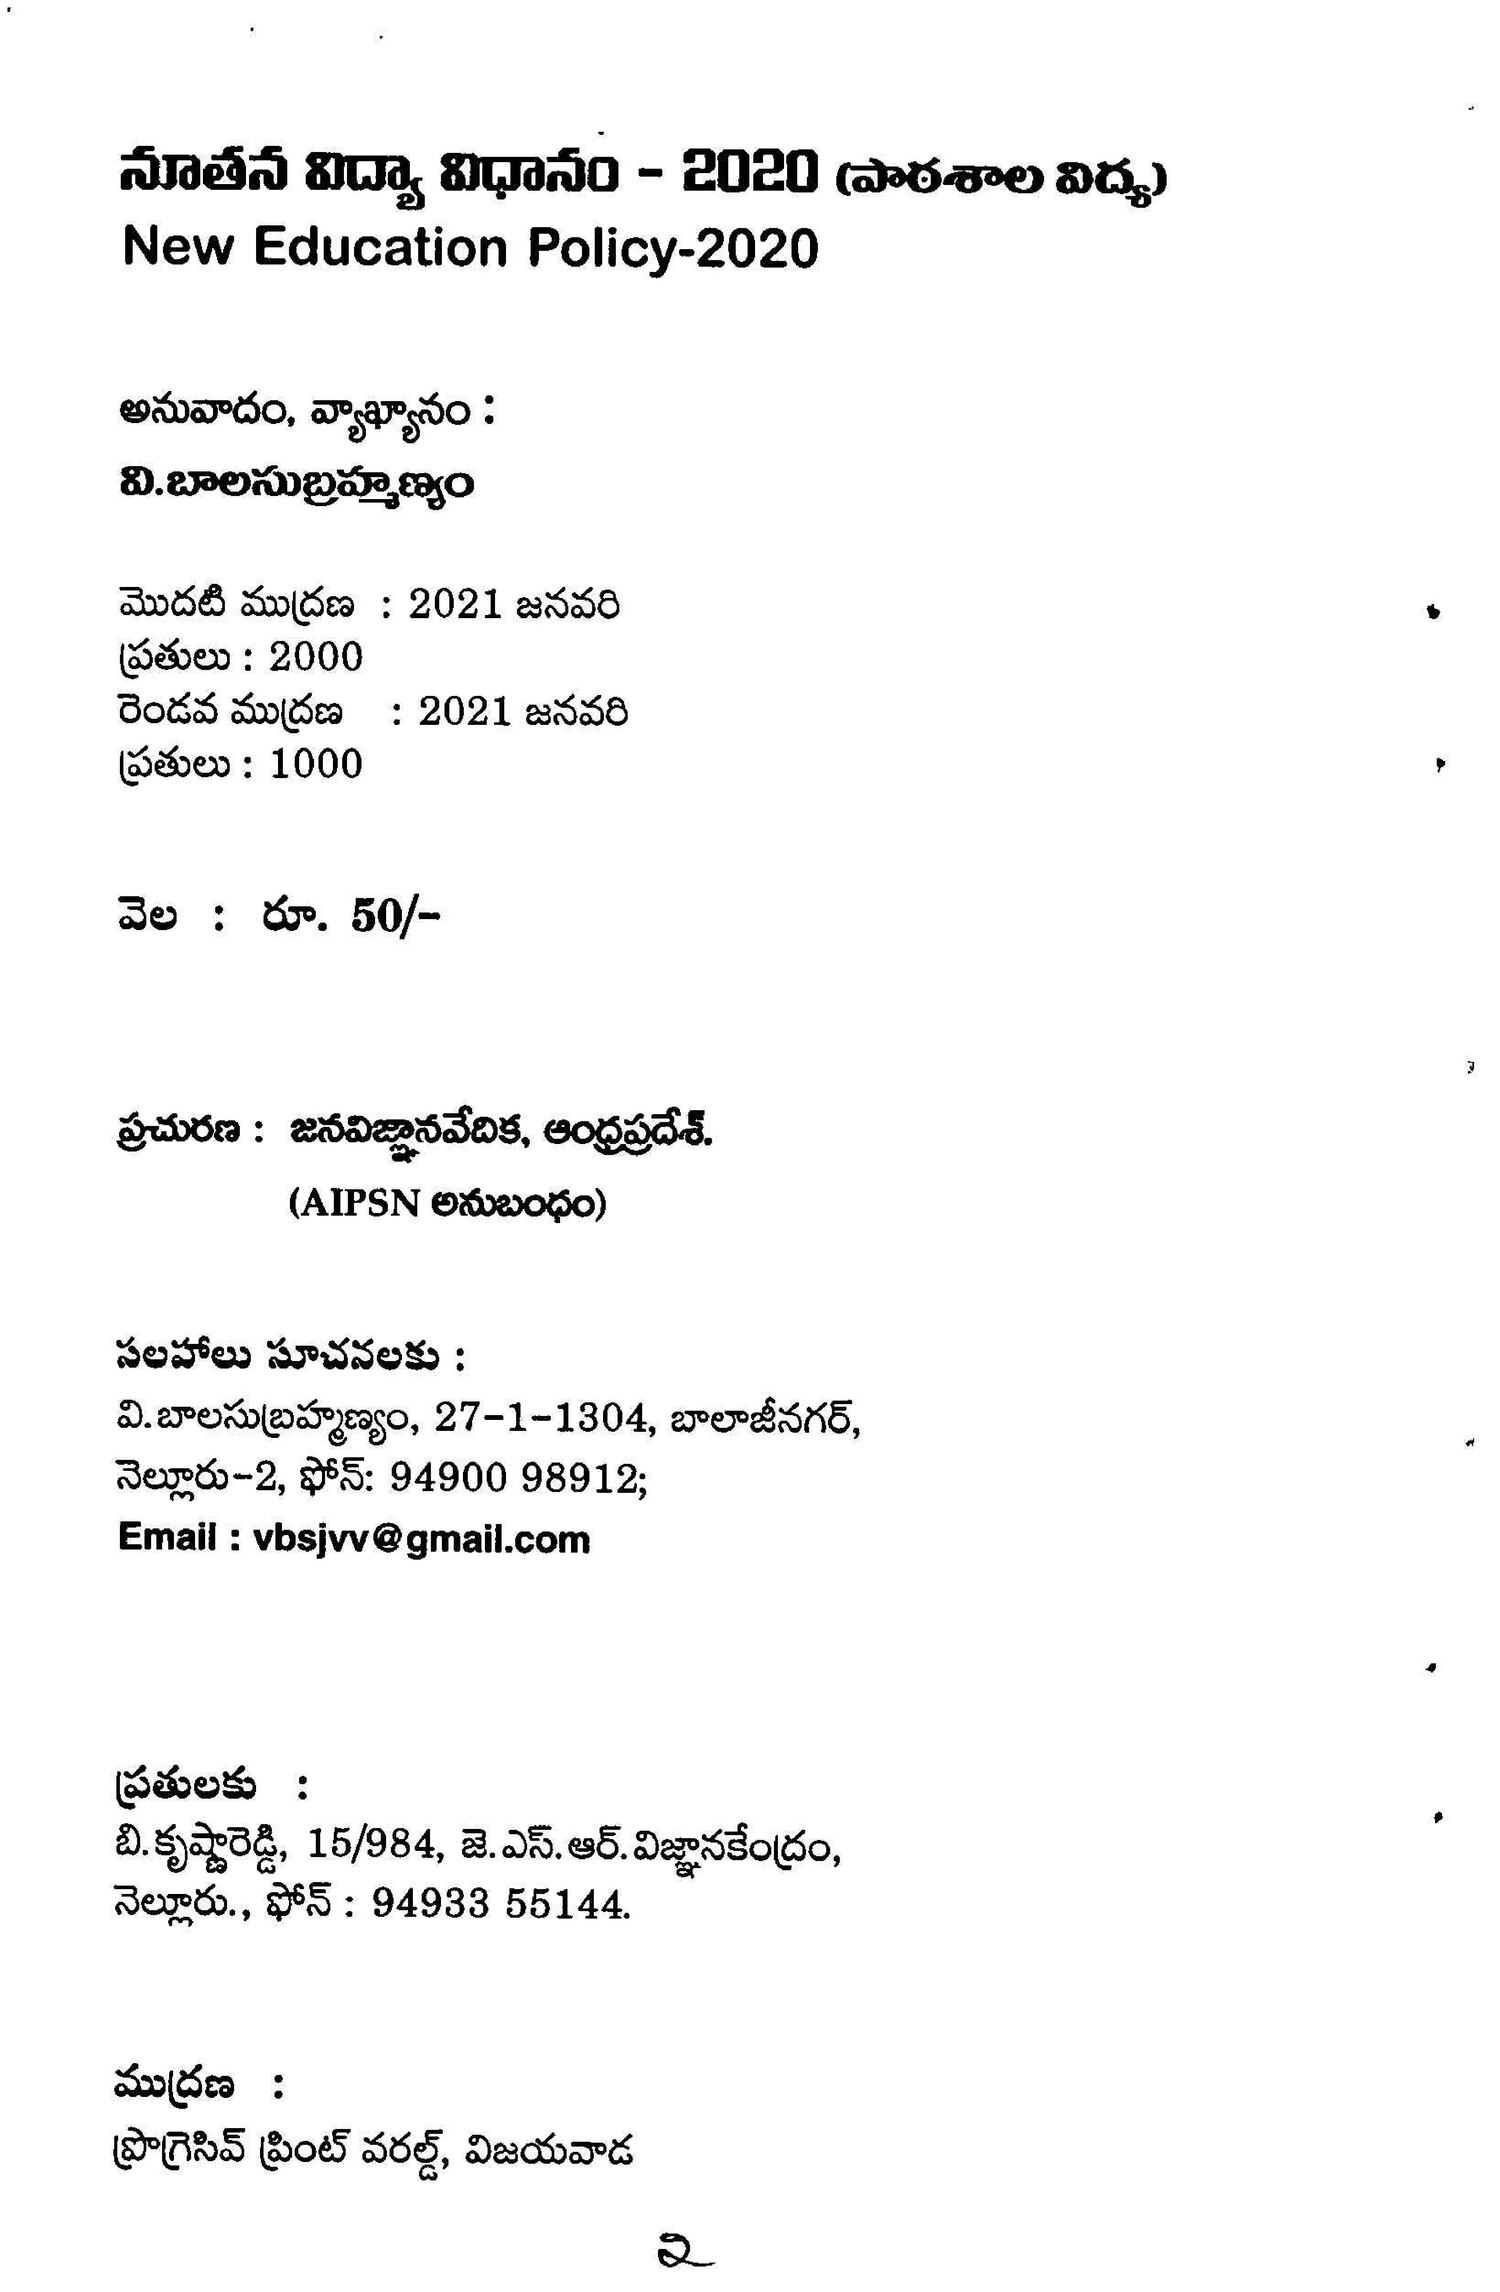నూతన విద్యా విధానం – 2020
(పాఠశాల విద్య)
New Education Policy – 2020

అనువాదం, వ్యాఖ్యానం :
వి. బాలసుబ్రహ్మణ్యం

మొదటి ముద్రణ : 2021 జనవరి
ప్రతులు : 2000
రెండవ ముద్రణ : 2021 జనవరి
ప్రతులు : 1000

వెల : రూ. 50/-

ప్రచురణ :
జన విజ్ఞాన వేదిక, ఆంధ్రప్రదేశ్
(AIPSN అనుబంధం)

సలహాలు, సూచనలకు :
వి. బాలసుబ్రహ్మణ్యం
27-1-1304, బాలాజీనగర్, నెల్లూరు – 2
ఫోన్ : 94900 98912
ఇమెయిల్ : vbsjvv@gmail.com

ప్రతులకు :
బి. కృష్ణారెడ్డి
15/984, జె. ఎస్. ఆర్. విజ్ఞాన కేంద్రం, నెల్లూరు
ఫోన్ : 94933 55144

ముద్రణ :
ప్రొగ్రెసివ్ ప్రింట్ వరల్డ్, విజయవాడ

కీలక మార్పులు/శుద్ధులు:
పద విభజనలు: "జనవిజ్ఞానవేదిక" → "జన విజ్ఞాన వేదిక", "ప్రింట్వరల్డ్" → "ప్రింట్ వరల్డ్"

విరామ చిహ్నాలు: అన్ని కరెక్ట్ స్థలాల్లో కాలన్ (:), హైఫన్ (–), సెమీ కొలన్ (;) వాడటం

అక్షర విభజన: పేర్లు, చిరునామాలు మధ్య ఖాళీలు, పద్ధతి ప్రకారం వాక్య నిర్మాణం

ప్రొఫెషనల్ రూపం: శీర్షికలు bold చేసి, పట్టికల రూపంలో విభజించి, అనువైన విరామాలు కల్పించడం